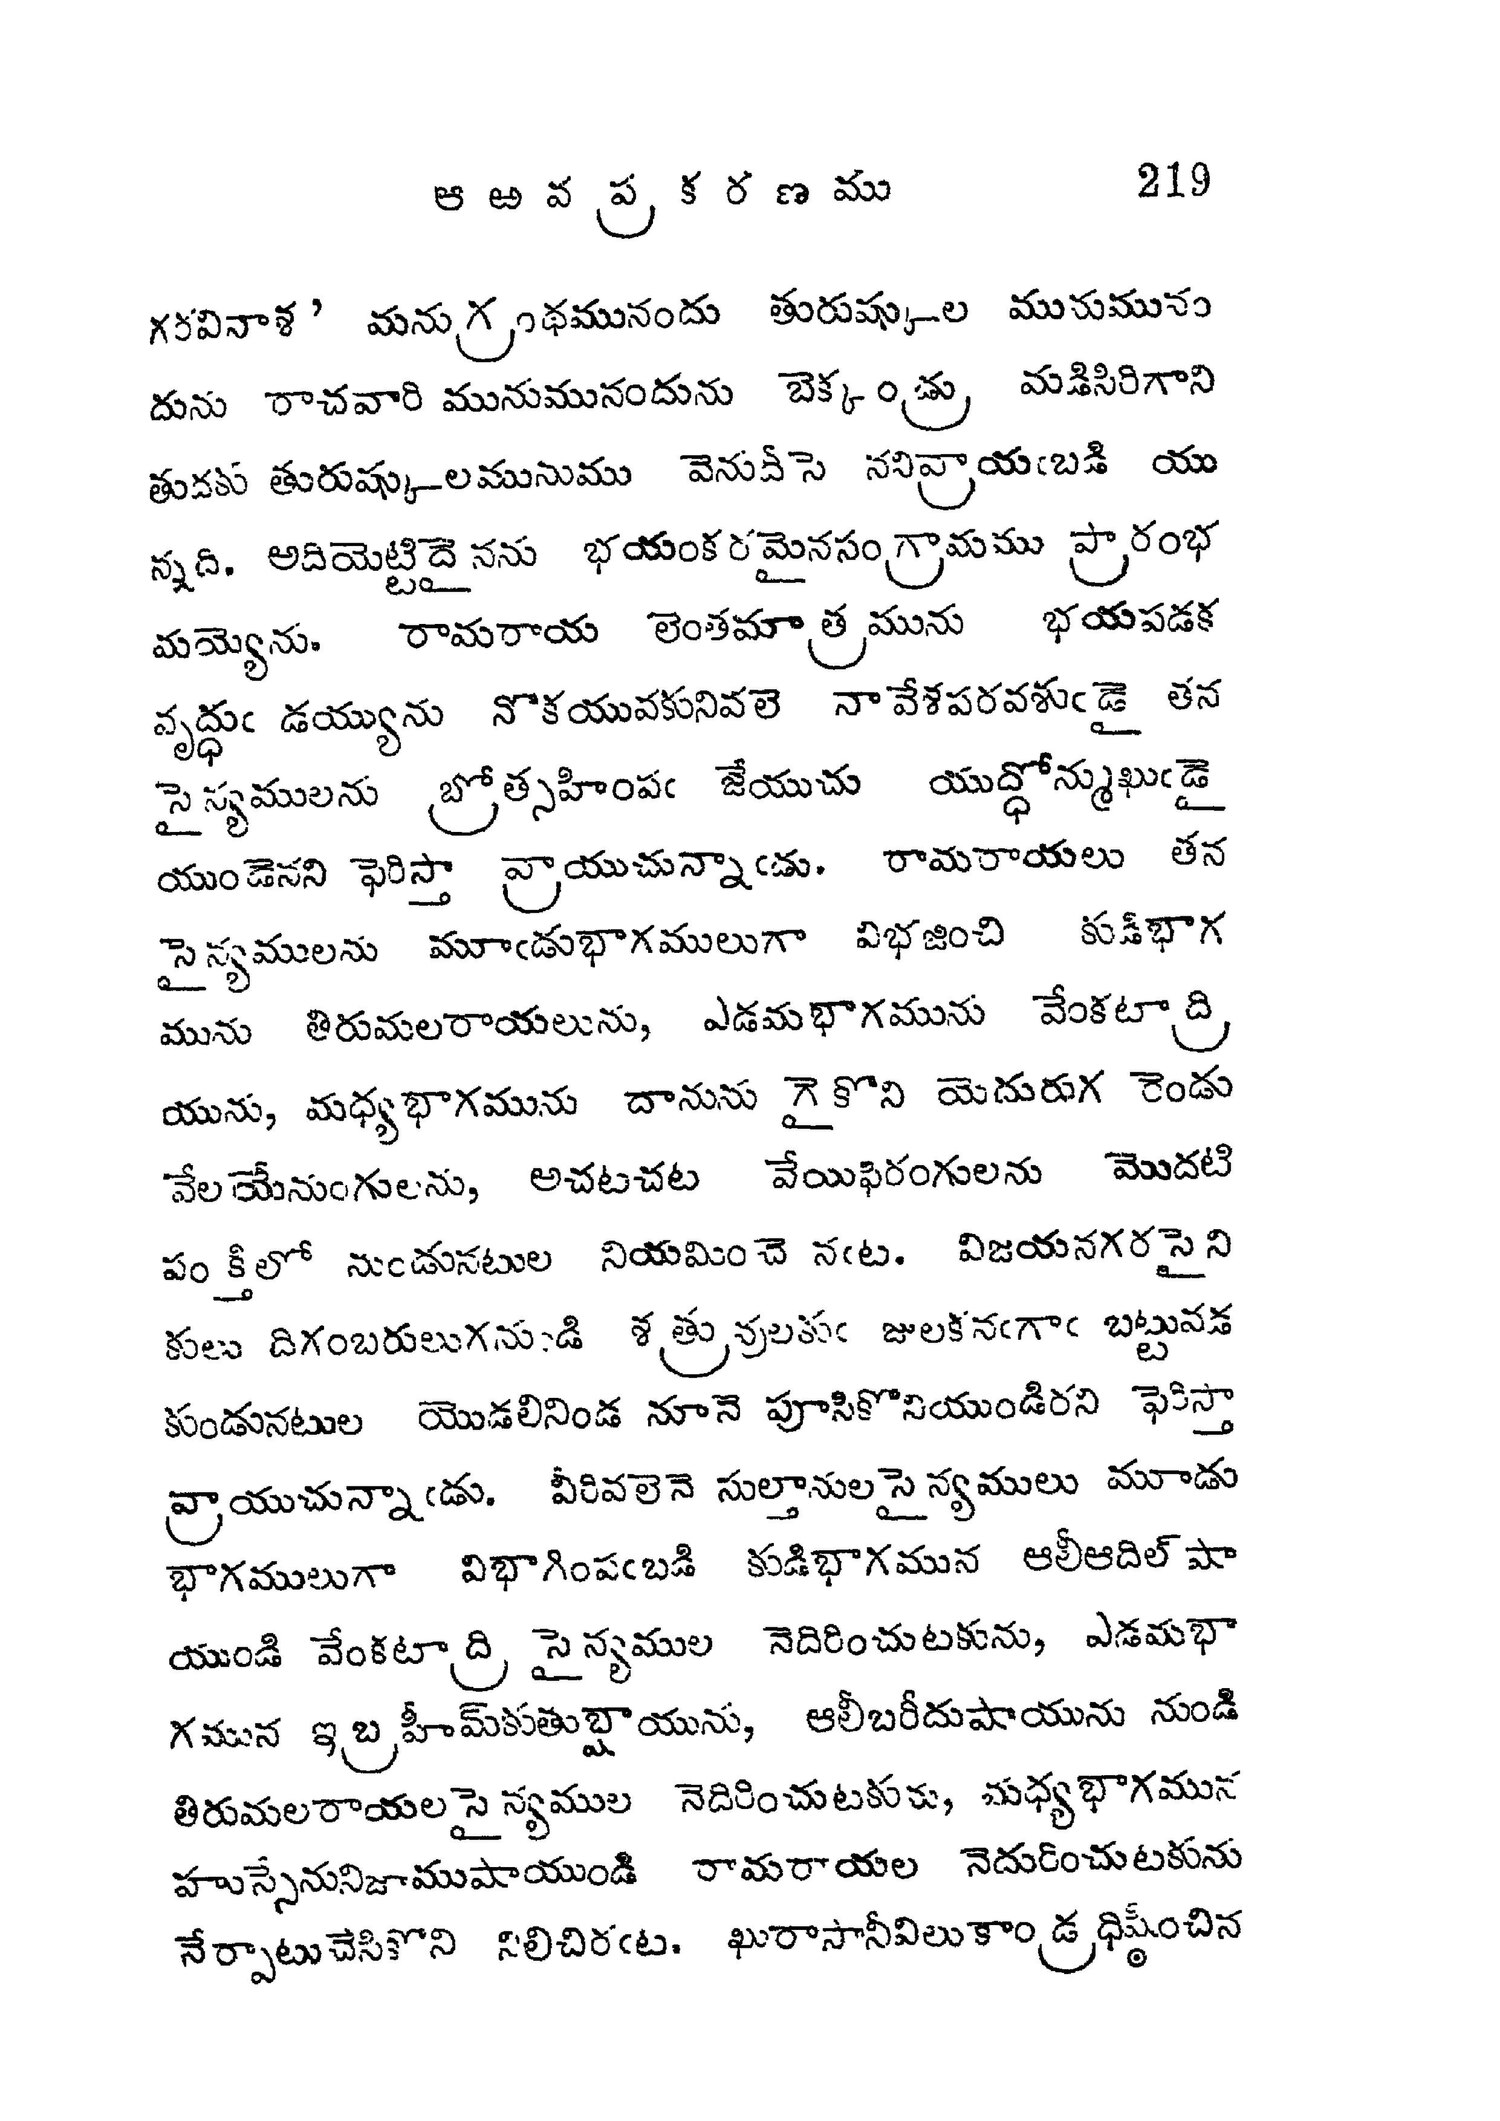గరవినాశ' మనుగ్రంథమునందు తురుష్కుల మునుమునందును రాచవారి మునుమునందును బెక్కండ్రు మడిసిరిగాని తుదకు తురుష్కులమునుము వెనుదీసె ననివ్రాయబడి యున్నది. అదియెట్టిదైనను భయంకరమైనసంగ్రామము ప్రారంభమయ్యెను. రామరాయ లెంతమాత్రమును భయపడక వృద్ధు డయ్యును నొకయువకునివలె నావేశపరవశుడై తన సైన్యములను బ్రోత్సహింప జేయుచు యుద్ధోన్ముఖుడై యుండెనని ఫెరిస్తా వ్రాయుచున్నాడు. రామరాయలు తన సైన్యములను మూడుభాగములుగా విభజించి కుడిభాగమును తిరుమలరాయలును, ఎడమభాగమును వేంకటాద్రియును, మధ్యభాగమున దానును గైకొని యెదురుగ రెండువేలయేనుగులను, అచటచట వేయిఫిరంగులను మొదటి పంక్తిలో నుండునటుల నియమించె నట. విజయనగరసైనికులు దిగంబరులుగనుండి శత్రువులకు జులకనగా బట్టువడకుండునటుల యొడలినిండ నూనె పూసికొని యుండిరని ఫెరిస్తా వ్రాయుచున్నాడు. వీరివలెనె సుల్తానుల సైన్యములు మూడు భాగములుగా విభాగింపబడి కుడిభాగమున ఆలీఆదిల్‌షా యుండి వేంకటాద్రి సైన్యముల నెదిరించుటకును, ఎడమభాగమున ఇబ్రహీమ్‌కుతుబ్షాయును, ఆలీబరీదుషాయును నుండి తిరుమలరాయలసైన్యముల నెదిరించుటకును, మధ్యభాగమున హుస్సేనునిజాముషాయుండి రామరాయల నెదిరించుటకును నేర్పాటుచేసికొని నిలిచిరట. ఖురాసానీ విలుకాండ్రధిష్ఠించిన